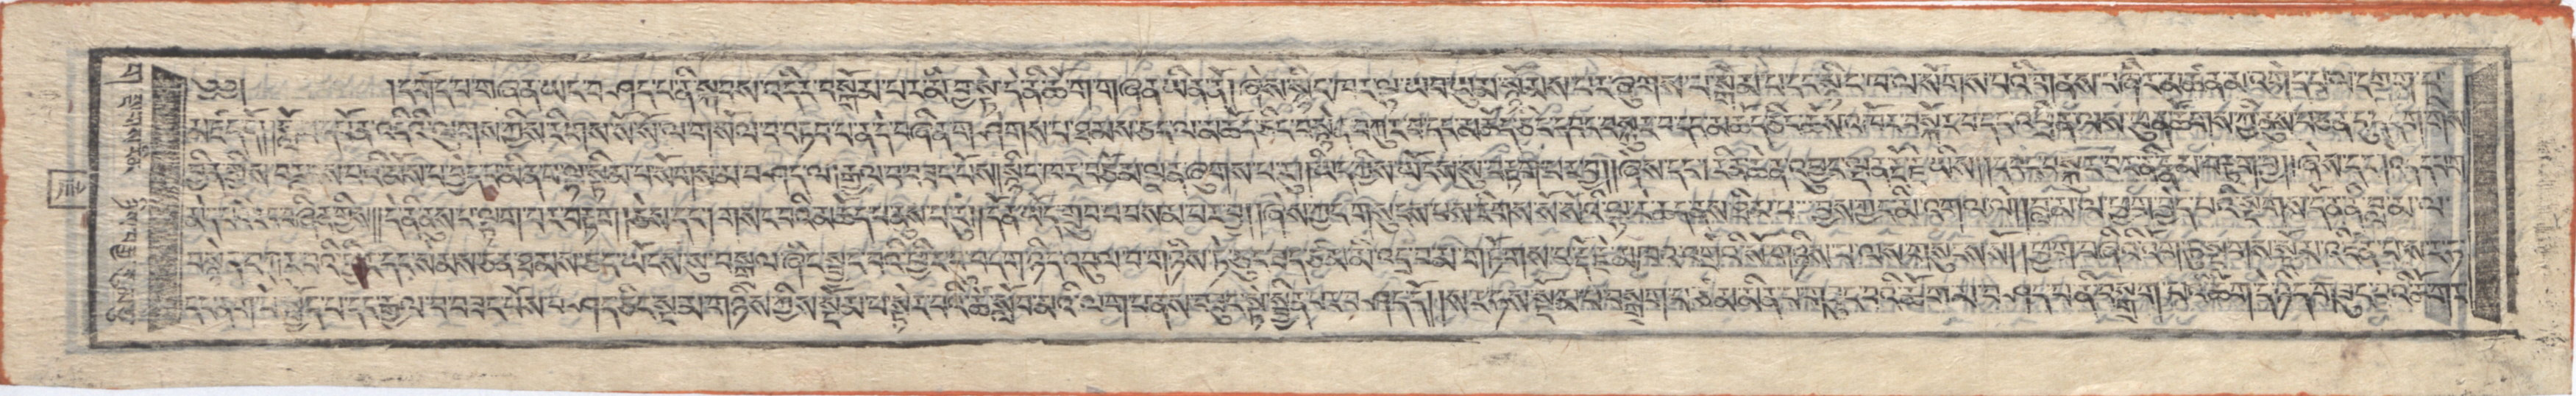༄༅། །དགོད་པ་གཞན་ཡང་བཤད་པ་ནི་སྐབས་འདིར་བསྒོམ་པར་མི་བྱ་སྟེ་དེ་ནི་ཆོ་ག་གཞན་ཡིན་ནོ། ཞེས་སྙིང་ཁར་ལྷ་ཡབ་ཡུམ་སྙོམས་པར་ཞུགས་པ་སྒོམ་པ་དང་སྙིང་ཁ་ལ་སོགས་པའི་གནས་བཞིར་མཚན་མ་འགོད་པ་ལ་དགག་པ་
མཛད་དོ། །སློབ་དཔོན་འདིའི་ལུགས་ཀྱིས་རིགས་སོ་སོ་ལ་གསོལ་བ་བཏབ་པ་ན་དེ་བཞིན་གཤེགས་པ་ཐམས་ཅད་ལ་མཆོད་ཅིང་བསྙེན་བཀུར་བ་དང་མཆོད་ཅིང་དབང་བསྐུར་བ་དང་མཆོད་ཅིང་ཆོས་འཁོར་བསྐོར་བ་དང་འཕྲིན་ལས་ཕུན་ཚོགས་ཀྱི་ནུས་པ་ཅན་དུ་དེ་དག་གིས་
བྱིན་གྱིས་བརླབས་པའི་མོས་པ་བྱེད་པ་མིན་པ་ལྷ་སྟིམ་པ་སོགས་མ་བཤད་ལ། རྒྱལ་བ་བཟང་པོས། སྙིང་ཁར་བཅོམ་ལྡན་ཞུགས་པ་རུ། །ཡིད་ཀྱིས་ཡོངས་སུ་བརྟག་པར་བྱ། །ཞེས་དང་། རིན་ཆེན་འབྱུང་ལྡན་རྡོ་རྗེ་ཡིས། །དབང་བསྐུར་བར་ནི་རྣམ་བརྟག་བྱ། །ཞེས་དང་། འོད་དཔག་
མེད་པའི་རང་བཞིན་གྱིས། །དེ་ནི་ནུས་པ་ལྷག་པར་བརྟག །ཅེས་དང་། གསང་བའི་མཆོད་པ་ནུས་པ་རུ། །དོན་ཡོད་གྲུབ་པ་བསམ་པར་བྱ། །ཞེས་ཀྱང་གསུངས་པས་རིགས་སོ་སོའི་ལྷ་རེ་ཆད་ནས་ཐིམ་པ་བྱས་ཀྱང་མི་འགལ་ལོ། །བླ་མ་ལ་ཕྱག་བྱེད་པའི་སྔགས་དོན་ནི་བླ་མ་ལ་
བསྙེན་བཀུར་བའི་ཕྱིར་དང་སེམས་ཅན་ཐམས་ཅད་ཡོངས་སུ་བསྒྲལ་ཞིང་སྦྱང་བའི་ཕྱིར་དུ་བདག་ཉིད་འབུལ་བ་གཉིས་ཏེ་ཅུང་ཟད་ཙམ་མི་འདྲ་བ་མ་གཏོགས་པ་རྡོ་རྗེ་མཁའ་འགྲོའི་སོ་གཉིས་པ་ལས་གསུངས་སོ། །ཕྱག་བཞིའི་འོག་ཏུ་སྔགས་སྡོམ་འཛིན་པ་ས་ར་ཧ་
དང་ནག་པོ་སྤྱོད་པ་དང་རྒྱལ་བ་བཟང་པོས་བཤད་ཅིང་སྔ་མ་གཉིས་ཀྱིས་སྡོམ་པ་སྟེར་བའི་ཚེ་སློབ་མའི་ལག་པ་ནས་བཟུང་སྟེ་སྦྱིན་པར་བཤད་དོ། །ས་ར་ཧས་སྡོམ་པ་བསྒྲག་པ་ཙམ་མིན་པ་གཟུང་བའི་ཆོ་ག་མ་བཤད་པ་ནི་བསྒྲག་པའི་ཚིག་དེ་ཉིད་གཟུང་བའི་ཆོ་གར་